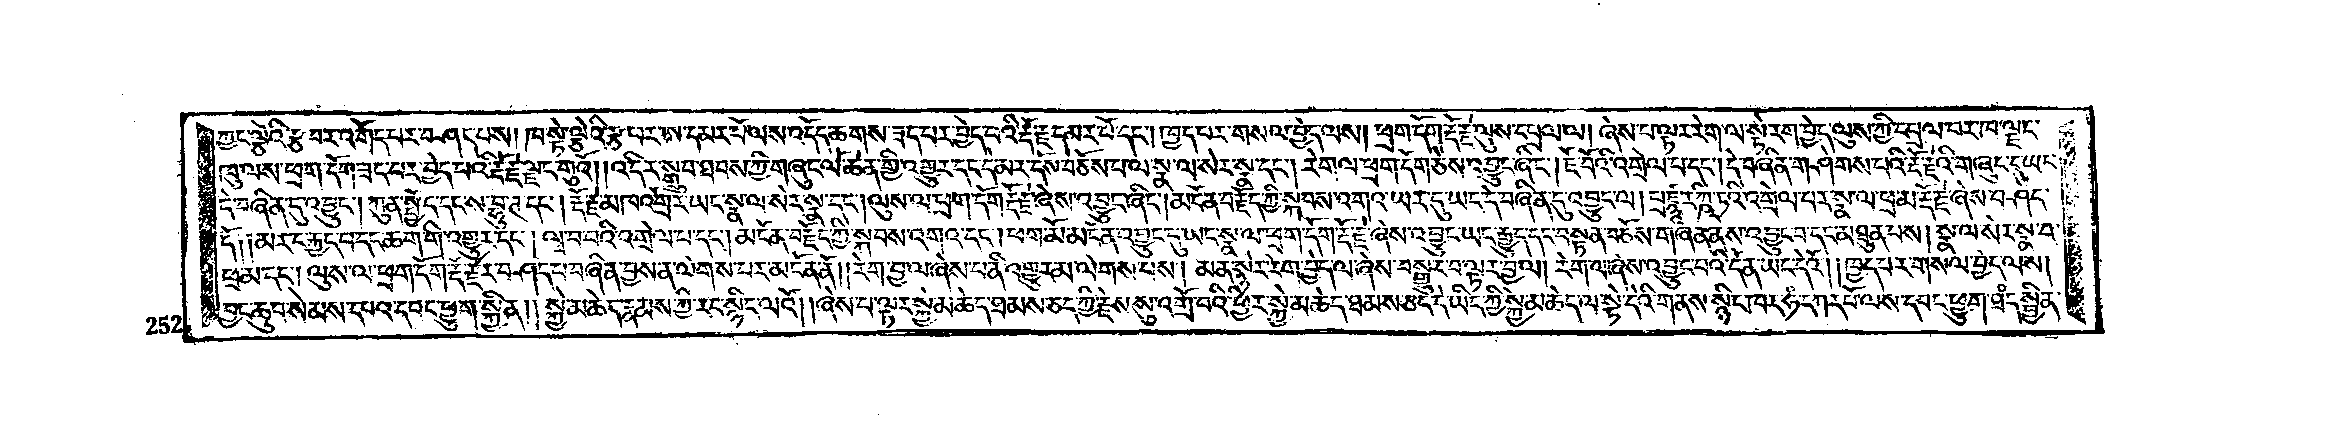ཀྱང་ལྕེའི་རྩ་བར་འགོད་པར་བཤད་པས། ཁ་སྟེ་ལྕེའི་རྩ་བར་ཨཾ་དམར་པོ་ལས་འདོད་ཆགས་ཟད་པར་བྱེད་པའི་རྡོ་རྗེ་དམར་པོ་དང་། ཁྱད་པར་གསལ་བྱེད་ལས། ཕྲག་དོག་རྡོ་རྗེ་ལུས་དཔྲལ་ལ། ཞེས་པ་ལྟར་རེག་ལ་སྟེ་རག་བྱེད་ལུས་ཀྱི་དཔྲལ་བར་ཁཾ་ལྗང་
ཁུ་ལས་ཕྲག་དོག་ཟད་པར་བྱེད་པའི་རྡོ་རྗེ་ལྗང་གུའོ། །འདིར་སྒྲུབ་ཐབས་ཀྱི་གཞུང་ལོ་ཚེན་གྱི་འགྱུར་དང་དེ་མར་དོས་བཅོས་པ་ལ་སྣ་ལ་སེར་སྣ་དང་། རེག་ལ་ཕྲག་དོག་ཅེས་འབྱུང་ཞིང་། ཇོ་བོའི་འགྲེལ་པ་དང་། དེ་བཞིན་གཤེགས་པའི་རྡོ་རྗེའི་གཞུང་དུ་ཡང་
དེ་བཞིན་དུ་འབྱུང་། ཀུན་སྤྱོད་དང་སཾ་བྷུ་ཊ་དང་། རྡོ་རྗེ་མཁའ་འགྲོར་ཡང་སྣ་ལ་སེར་སྣ་དང་། ལུས་ལ་ཕྲག་དོག་རྡོ་རྗེ་ཞེས་འབྱུང་ཞིང་། མངོན་བརྗོད་ཀྱི་སྐབས་འགའ་ཡར་དུ་ཡང་དེ་བཞིན་དུ་འབྱུང་ལ། པྲཛྙཱ་རཀྵི་ཏའི་འགྲེལ་པར་སྣ་ལ་ཕྲ་མ་རྡོ་རྗེ་ཞེས་བཤད་
དོ། །མར་ང་རྒྱད་པ་དང་ཆག་གི་འགྱུར་དང་། ལྭ་བ་པའི་འགྲེལ་པ་དང་། མངོན་བརྗོད་ཀྱི་སྐབས་འགའ་དང་། ཕག་མོ་མངོན་འབྱུང་དུ་ཡང་སྣ་ལ་ཕྲག་དོག་རྡོ་རྗེ་ཞེས་འབྱུང་ཡང་རྒྱུད་དང་བསྟན་བཅོས་གཞན་ནས་འབྱུང་བ་དང་མཐུན་པས། སྣ་ལ་སེར་སྣ་འམ་
ཕྲ་མ་དང་། ལུས་ལ་ཕྲག་དོག་རྡོ་རྗེར་བཤད་པ་བཞིན་བྱས་ན་ལེགས་པར་མངོན་ནོ། །རེག་བྱ་ལ་ཞེས་པ་ནི་འགྱུར་མ་ལེགས་པས། མན་སྙེར་རེག་བྱེད་ལ་ཞེས་བསྒྱུར་བ་ལྟར་བྱ་ལ། རེག་ལ་ཞེས་འབྱུང་བའི་དོན་ཡང་དེའོ། །ཁྱད་པར་གསལ་བྱེད་ལས།
བྱང་ཆུབ་སེམས་དཔའ་དབང་ཕྱུག་སྦྱིན། །སྐྱེ་མཆེད་རྣམས་ཀྱི་རང་སྙིང་ལའོ། །ཞེས་པ་ལྟར་སྐྱེ་མཆེད་ཐམས་ཅད་ཀྱེ་རྗེས་སུ་འགྲོ་བའི་ཕྱིར་སྐྱེ་མཆེད་ཐམས་ཅད་དེ་ཡིད་ཀྱི་སྐྱེ་མཆེད་ལ་སྟེ་དེའི་གནས་སྙིང་ཁར་ཧཾ་དཀར་པོ་ལས་དབང་ཕྱུག་ཐམས་ཅད་སྦྱིན་